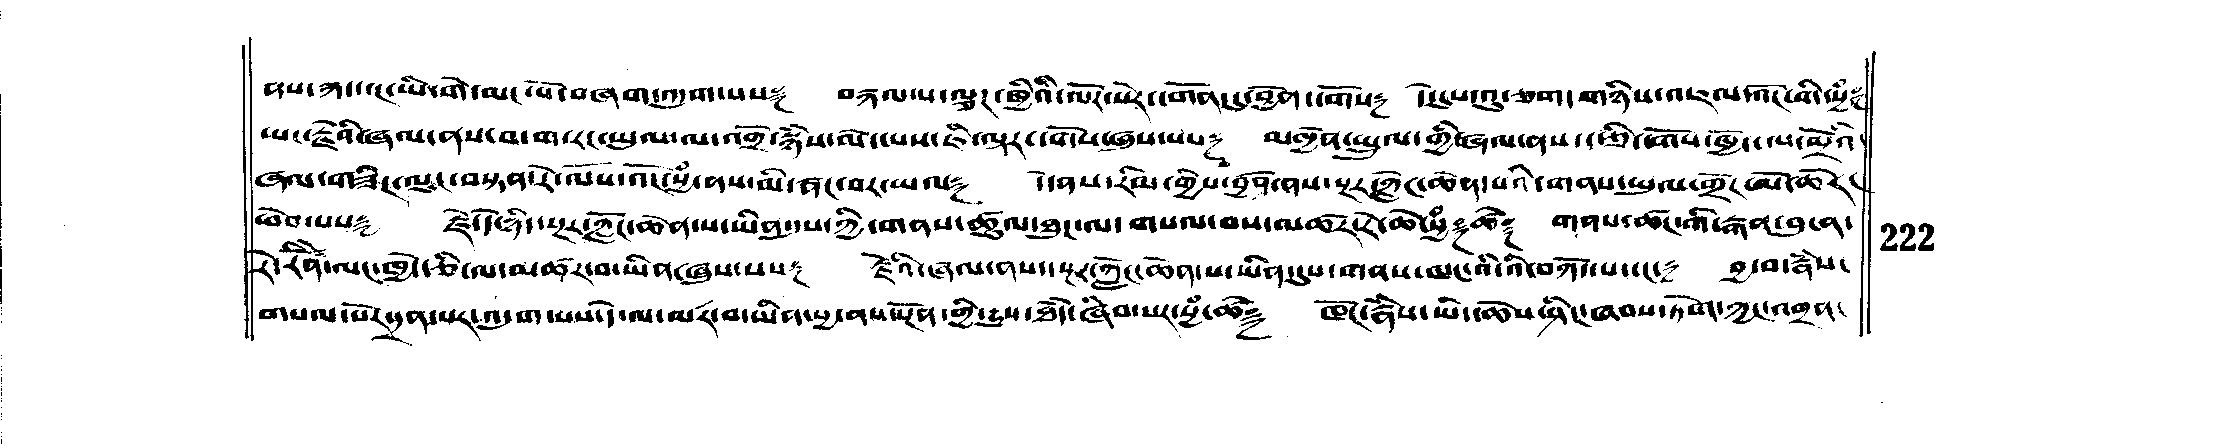ནས་སྐད་དང་ཡི་གེ་མང་པོ་བཞག་འདུག་པས། བསྐལ་པ་ལྕགས་ཁྱིའི་ལོར་སེར་དགོན་དུ་བྱོན་དགོས། དེ་དུས་འུ་ཅག་གཉིས་མཇལ་འོང་གི་གསུངས། 
ཡང་རྗེའི་ཞལ་ནས་བདག་རང་ཡུལ་ལ་འགྲོ་སྙམ་མེད་པས་ཇི་ལྟར་དགོས་ཞུས་པས། མཁྱེན་སྤྲུལ་གྱི་ཞལ་ནས་ད་ཅི་དགོས་ཁྱོད་ལ་མཁའ་འགྲོའི་
ཞལ་གཟིགས་ལུང་བསྟན་རེ་ལོས་འོང་གསུང་ནས་མི་སྣང་བར་ཡལ། དེ་ནས་རིམ་གྱིས་བྱོན་ནས་སྔར་ཀློང་ཆེན་པའི་གནས་ཡུལ་གྲོགས་༼གྲོང?༽མོ་ཚོར་
ཕེབས་པས། རྗེ་དེ་ཉིད་སྔར་ཀློང་ཆེན་པ་ཡིན་དུས་ཀྱི་གནས་ཚུལ་ཐུགས་ལ་གསལ་བས་མཚར་རེ་ཆེ་གསུངས་ཚེ། གནས་ཚང་གི་རྒན་བུ་ན་
རེ་རིན་པོ་ཆེ་ལགས་ཁྱོད་ཅི་ལ་མཚར་བ་ཡིན་ཞུས་པས། རྗེའི་ཞལ་ནས་ང་སྔར་ཀློང་ཆེན་པ་ཡིན་དུས་གནས་ཁང་འདིའི་བཀོད་པ་དང་།བྱ་བ་རྣམས་
གསལ་པོར་དྲན་པར་འདུག་པས་དེ་ལ་མཚར་བ་ཡིན་གསུང་ནས་སྔོན་གྱི་རྒྱུས་ཐམས་ཅད་ཞིབ་པར་གསུངས་ཚེ། ཁོང་རྣམས་ཡིད་ཆེས་ཤིང་ཞབས་ཏོག་ཀྱང་འགྲན་